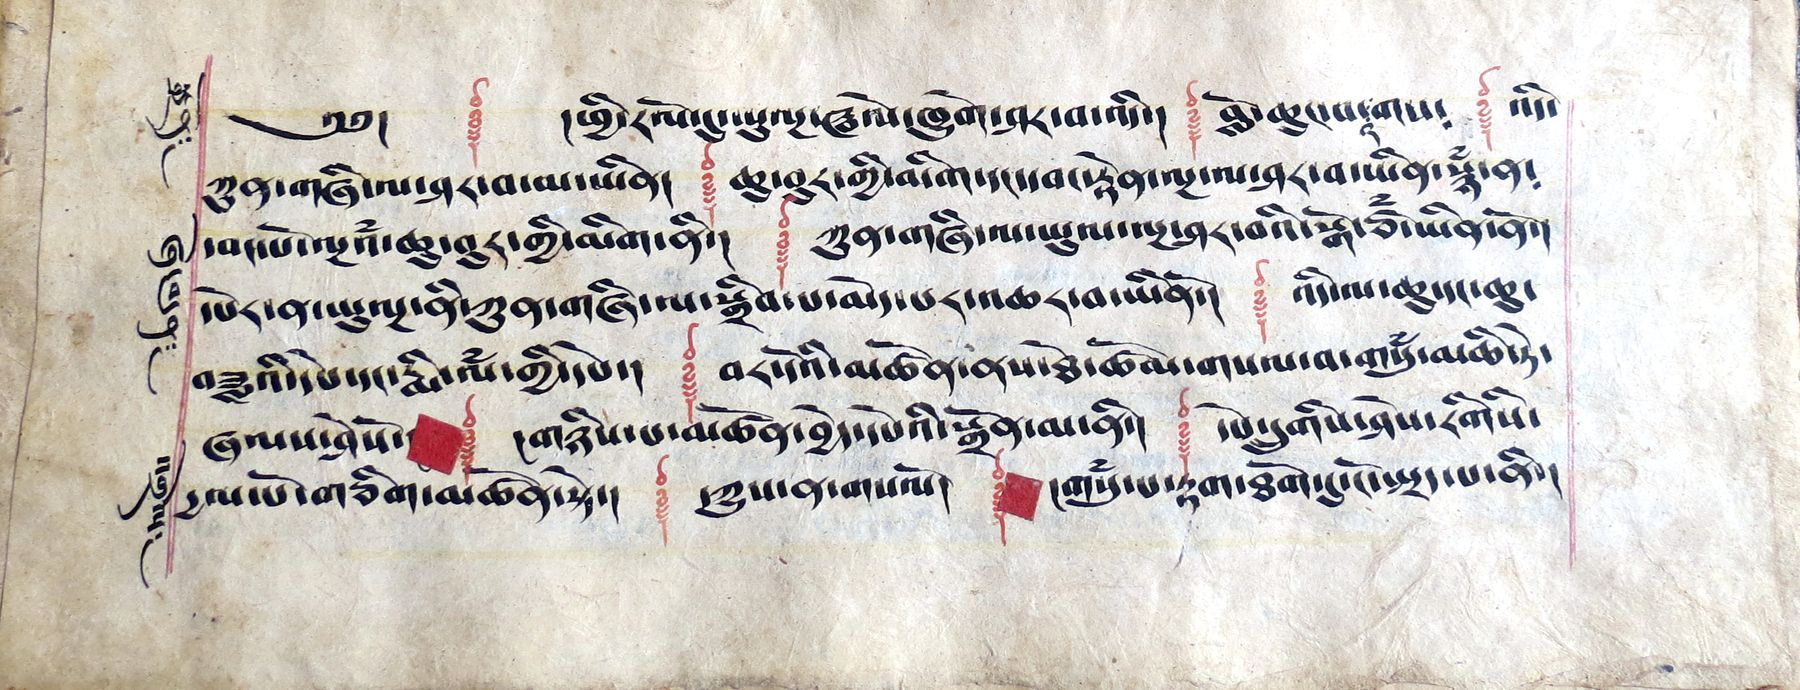ཕྱི་རོལ་དུ་ཡུལ་ལྔ་ཝལ་ལེ་ཁྱུག་གེར་ཤར་བ་འདི། བློ་ཆུང་པ་འགས། འདི་
ཀུན་གཞི་ལ་ཤར་བ་མ་ཡིན། ཆུ་བུར་གྱི་མིག་དང་དབང་རྟེན་ལྔ་ལ་ཤར་བ་ཡིན་སྙམ་ན། 
དབང་པོ་ལྔའམ་ཆུ་བུར་གྱི་མིག་ནི། ཀུན་གཞི་ལ་ཡུལ་ལྔ་ཤར་བའི་སྒོ་ཙམ་ཡིན་ནོ། །
དཔེར་ན་ཡུལ་ལྔ་ནི་ཀུན་གཞི་ལ་སྒྲིབ་པ་མེད་པར་འཆར་བ་ཡིན་ནོ། །འདི་ལ་ཆུ་དང་ཆུ་
ཟླའི་དཔེ་དང་། རྨི་ལམ་གྱི་དཔེ་བར་དོའི་དཔེ་ཡིས་མཚོན་ནས་ཐེ་ཚོམ་བསལ་བ་གསུམ་མཆིས་ཏེ་
ཞལ་ལས་ཤེས་སོ། །ན༽ གཉིས་པ་མཚོན་བྱེད་དཔེ་ཡིས་སྒྲོན་མ་ནི་དཔེ་དྲུག་གིས་ཤེས་རིག་གི་
རྒྱལ་པོ་གཅིག་མཚོན་ཏེ། དཀྱུས་ན་གསལ་ལོ། །པ༽ གསུམ་པ་རྟགས་ཐོག་ཏུ་ངོ་སྤྲད་པ་ནི།